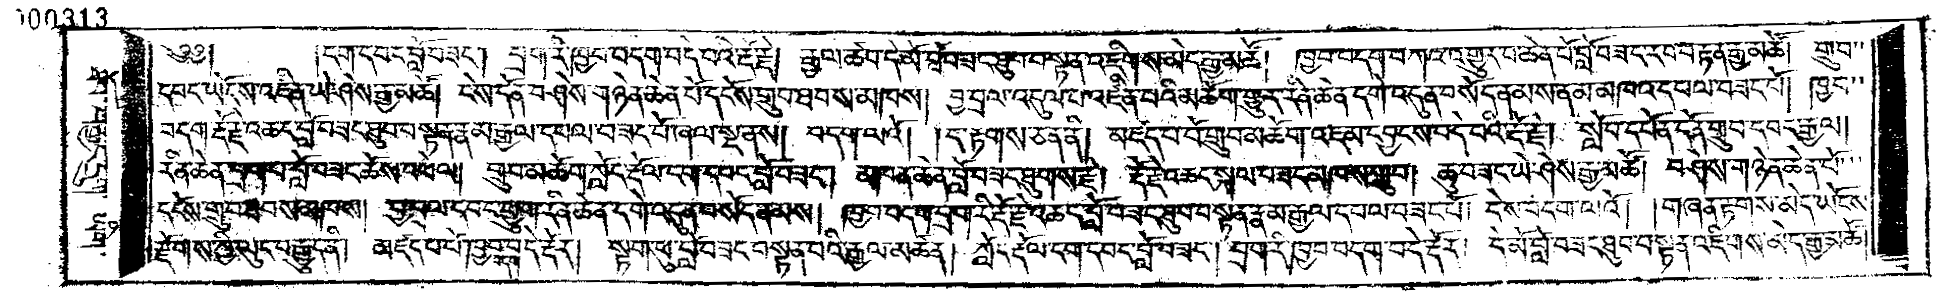༄༅། །ངག་དབང་བློ་བཟང་། བྲག་རི་ཁྱབ་བདག་བདེ་བའི་རྡོ་རྗེ། རྒྱལ་ཚབ་དེ་མོ་བློ་བཟང་ཐུབ་བསྟན་འཇིགས་མེད་རྒྱ་མཚོ། ཁྱབ་བདག་བཀའ་འགྱུར་པ་ཆེན་པོ་བློ་བཟང་རབ་བརྟན་རྒྱ་མཚོ། གྲུབ་
དབང་ཡོངས་འཛིན་ཡེ་ཤེས་རྒྱ་མཚོ། ངེས་དོན་བཤེས་གཉེན་ཆེན་པོ་དངོས་གྲུབ་ཐབས་མཁས། བྱ་བྲལ་འདུལ་པ་འཛིན་པའི་མཆོག་གྱུར་རིན་ཆེན་དགེ་འདུན་བསོད་ནམས་ནམ་མཁའ་དཔལ་བཟང་པོ། ཁྱབ་
བདག་རྡོ་རྗེ་འཆང་བློ་བཟང་ཐུབ་བསྟན་རྣམ་རྒྱལ་དཔལ་བཟང་པོ་ཞལ་སྔ་ནས། བདག་ལའོ། །ད་རྟགས་ཅན་ནི། མཛད་པ་པོ་གྲུབ་མཆོག་འཇམ་དབྱངས་བདེ་བའི་རྡོ་རྗེ། སློབ་དཔོན་དོན་གྲུབ་དབང་རྒྱལ།
རིན་ཆེན་བྲག་པ་བློ་བཟང་ཆོས་འཕེལ། གྲུབ་མཆོག་ཀློང་རྡོལ་ངག་དབང་བློ་བཟང་། མཁན་ཆེན་བློ་བཟང་ཐུགས་རྗེ། རྡོ་རྗེ་འཆང་སྐལ་བཟང་མཁས་གྲུབ། ཆུ་བཟང་ཡེ་ཤེས་རྒྱ་མཚོ། བཤེས་གཉེན་ཆེན་པོ་
དངོས་གྲུབ་ཐབས་མཁས། བྱ་བྲལ་དབང་ཕྱུག་རིན་ཆེན་དགེ་འདུན་བསོད་ནམས། ཁྱབ་བདག་བྲག་རི་རྡོ་རྗེ་འཆང་བློ་བཟང་ཐུབ་བསྟན་རྣམ་རྒྱལ་དཔལ་བཟང་པོ། དེས་བདག་ལའོ། །གཞན་རྟགས་མེད་ཡོངས་
རྫོགས་ཀྱི་ལུང་བརྒྱུད་ནི། མཛད་པ་པོ་ཁྱབ་བདག་བདེ་རྡོར། སྟག་ཕུ་བློ་བཟང་བསྟན་པའི་རྒྱལ་མཚན། ཀློང་རྡོལ་ངག་དབང་བློ་བཟང་། བྲག་རི་ཁྱབ་བདག་བདེ་རྡོར། དེ་མོ་བློ་བཟང་ཐུབ་བསྟན་འཇིགས་མེད་རྒྱ་མཚོ།